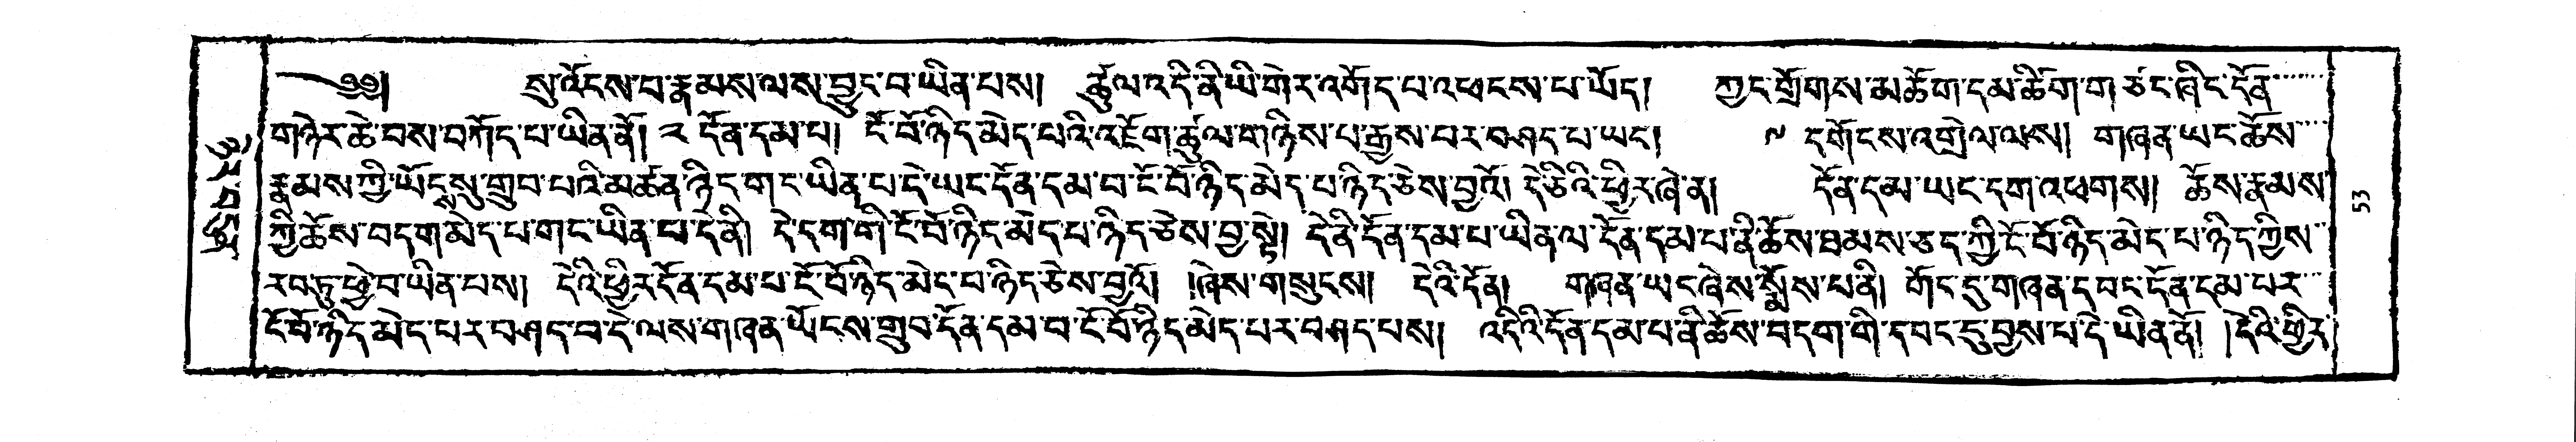༄༅། །སུ་འོངས་པ་རྣམས་ལས་བྱུང་བ་ཡིན་པས། ཚུལ་འདི་ནི་ཡི་གེར་འགོད་པ་འཕངས་པ་ཡོད། ཀྱང་གྲོགས་མཆོག་དམ་ཚིག་གཙང་ཞིང་དོན་
གཉེར་ཆེ་བས་བཀོད་པ་ཡིན་ནོ། ༢་དོན་དམ་པ། ངོ་བོ་ཉིད་མེད་པའི་འཇོག་ཚུལ་གཉིས་པ་རྒྱས་པར་བཤད་པ་ཡང་། ༧་དགོངས་འགྲེལ་ལས། གཞན་ཡང་ཆོས་
རྣམས་ཀྱི་ཡོངས་སུ་གྲུབ་པའི་མཚན་ཉིད་གང་ཡིན་པ་དེ་ཡང་དོན་དམ་པ་ངོ་བོ་ཉིད་མེད་པ་ཉིད་ཅེས་བྱའོ། དེ་ཅིའི་ཕྱིར་ཞེ་ན། དོན་དམ་ཡང་དག་འཕགས། ཆོས་རྣམས་
ཀྱི་ཆོས་བདག་མེད་པ་གང་ཡིན་པ་དེ་ནི། དེ་དག་གི་ངོ་བོ་ཉིད་མེད་པ་ཉིད་ཅེས་བྱ་སྟེ། དེ་ནི་དོན་དམ་པ་ཡིན་ལ་དོན་དམ་པ་ནི་ཆོས་ཐམས་ཅད་ཀྱི་ངོ་བོ་ཉིད་མེད་པ་ཉིད་ཀྱིས་
རབ་ཏུ་ཕྱེ་བ་ཡིན་པས། དེའི་ཕྱིར་དོན་དམ་པ་ངོ་བོ་ཉིད་མེད་པ་ཉིད་ཅེས་བྱའོ། །ཞེས་གསུངས། དེའི་དོན། གཞན་ཡང་ཞེས་སྨོས་པ་ནི། གོང་དུ་གཞན་དབང་དོན་དམ་པར་
ངོ་བོ་ཉིད་མེད་པར་བཤད་པ་དེ་ལས་གཞན་ཡོངས་གྲུབ་དོན་དམ་པ་ངོ་བོ་ཉིད་མེད་པར་བཤད་པས། འདིའི་དོན་དམ་པ་ནི་ཆོས་བདག་གི་དབང་དུ་བྱས་པ་དེ་ཡིན་ནོ། །དེའི་ཕྱིར་